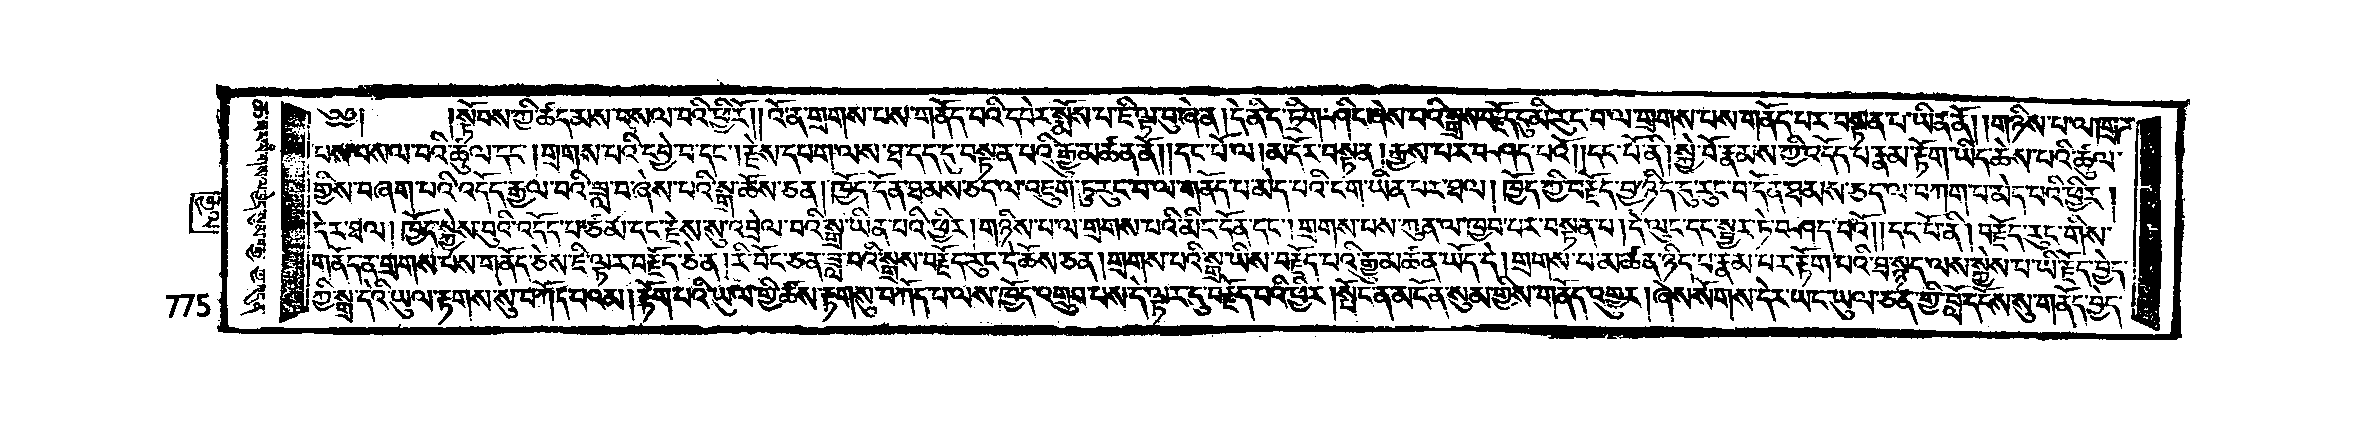༄༅། །སྟོབས་ཀྱི་ཚད་མས་བསལ་བའི་ཕྱིར་རོ། །འོ་ན་གྲགས་པས་གནོད་པའི་དཔེར་སྨོས་པ་ཇི་ལྟ་བུ་ཞེ་ན། དེ་ནི་ད་ཏྲིག་ཤིང་ཞེས་པའི་སྒྲས་བརྗོད་དུ་མི་རུང་བ་ལ་གྲགས་པས་གནོད་པར་བསྟན་པ་ཡིན་ནོ། །གཉིས་པ་ལ། གྲགས་
པས་བསལ་བའི་ཚུལ་དང་། གྲགས་པའི་དབྱེ་བ་དང་། རྗེས་དཔག་ལས་ཐ་དད་དུ་བསྟན་པའི་རྒྱུ་མཚན་ནོ། །དང་པོ་ལ། མདོར་བསྟན། རྒྱས་པར་བཤད་པའོ། །དང་པོ་ནི། སྐྱེ་བོ་རྣམས་ཀྱི་འདོད་པ་རྣམ་རྟོག་ཡིད་ཆེས་པའི་ཚུལ་
གྱིས་བཞག་པའི་འདོད་རྒྱལ་བའི་ཟླ་བ་ཞེས་པའི་སྒྲ་ཆོས་ཅན། ཁྱོད་དོན་ཐམས་ཅད་ལ་འཇུག་ཏུ་རུང་བ་ལ་གནོད་པ་མེད་པའི་ངག་ཡིན་པར་ཐལ། ཁྱོད་ཀྱི་བརྗོད་བྱ་ཉིད་དུ་རུང་བ་དོན་ཐམས་ཅད་ལ་བཀག་པ་མེད་པའི་ཕྱིར།
དེར་ཐལ། ཁྱོད་སྐྱེས་བུའི་འདོད་པ་ཙམ་དང་རྗེས་སུ་འབྲེལ་བའི་སྒྲ་ཡིན་པའི་ཕྱིར། གཉིས་པ་ལ་གྲགས་པའི་མིང་དེན་དང་། གྲགས་པས་ཀུན་ལ་ཁྱབ་པར་བསྟན་པ། དེ་ལུང་དང་སྦྱར་ཏེ་བཤད་པའོ། །དང་པོ་ནི། བརྗོད་རུང་གིས་
གནོད་ན་གྲགས་པས་གནོད་ཅེས་ཇི་ལྟར་བརྗོད་ཅེ་ན། རི་བོང་ཅན་ཟླ་བའི་སྒྲས་བརྗོད་རུང་དེ་ཆོས་ཅན། གྲགས་པའི་སྒྲ་ཡིས་བརྗོད་པའི་རྒྱུ་མཚན་ཡོད་དེ། གྲགས་པ་མཚན་ཉིད་པ་རྣམ་པར་རྟོག་པའི་ཐ་སྙད་ལས་སྐྱེས་པ་ཡི་རྗོད་བྱེད་
ཀྱི་སྒྲ་དེའི་ཡུལ་རྟགས་སུ་བཀོད་པའམ། རྟོག་པའི་ཡུལ་གྱི་ཆོས་རྟགས་སུ་བཀོད་པ་ལས་ཁྱོད་འགྲུབ་པས་དེ་ལྟར་དུ་བརྗོད་པའི་ཕྱིར། སྤོང་ན་མངོན་སུམ་གྱིས་གནོད་འགྱུར། ཞེས་སོགས་དེར་ཡང་ཡུལ་ཅན་གྱི་བློ་དངོས་སུ་གནོད་བྱེད་